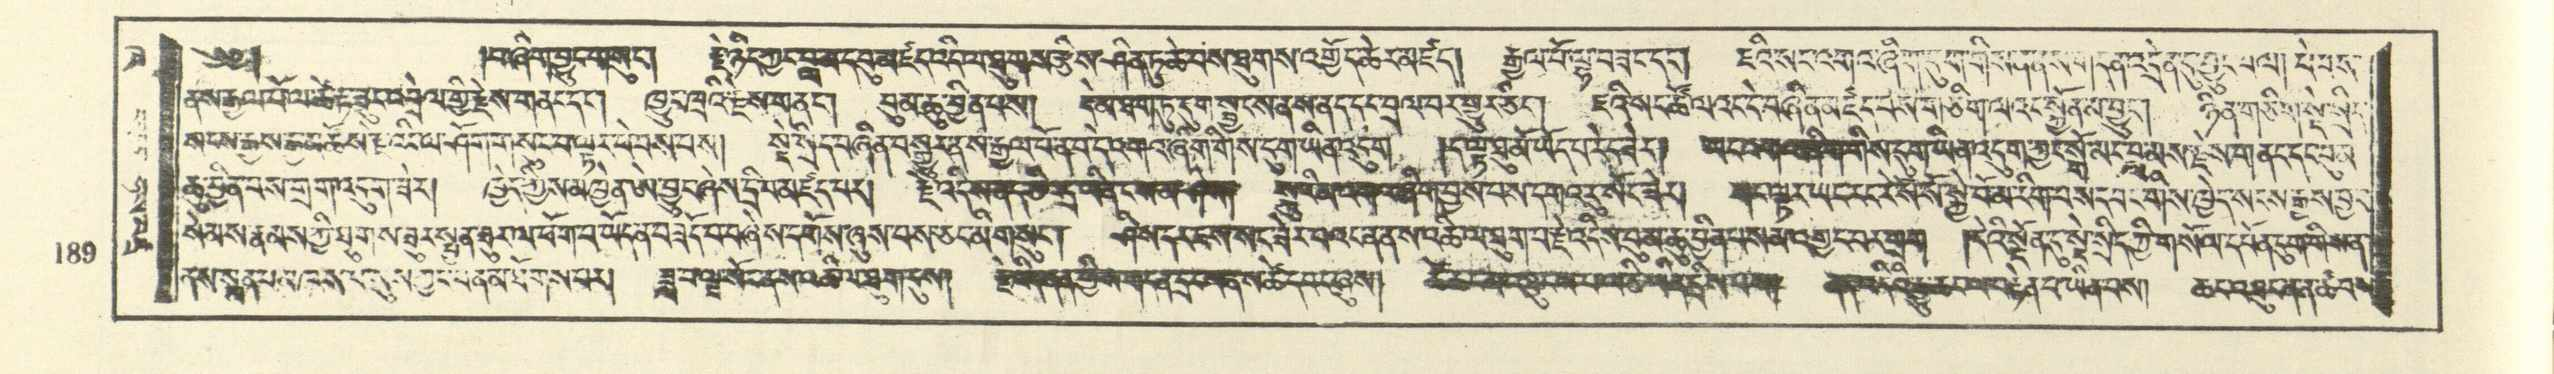༄༅། །བ་ཞིག་བྱུང་གསུང་། རྗེ་ཉིད་ཀྱང་བླ་མ་དབུ་མཛད་འདི་ལ་ཐུགས་རྩིས་ཤིན་ཏུ་ཆེ་བས་ཐུགས་འགྱོད་ཆེར་མཛད། རྒྱལ་པོ་ལྷ་བཟང་དང་། ཇའི་སང་འགའ་ཞིག་དུག་གིས་ན་ནས་གདན་འདྲེན་དུ་བྱུང་བ་ལ། ཕེབས་
ནས་རྒྱལ་པོ་ལ་ཚེ་རྟ་ཟུང་འབྲེལ་གྱི་རྗེས་གནང་དང་། ཁྱུང་ཁྲའི་རྗེས་གནང་། བུམ་ཆུ་བྱིན་པས། དེ་མ་ཐག་ཏུ་དུག་སྦྱངས་ནས་ནད་དང་བྲལ་བར་གྱུར་ཅིང་། ཇའི་སང་ཚོ་ལའང་དེ་བཞིན་མཛད་པས་གཅིག་ལའང་སྐྱོན་མ་བྱུང་། ཉིན་གཅིག་སྡེ་སྲིད་
སངས་རྒྱས་རྒྱ་མཚོས་རྗེ་འདི་ལ་ཤོག་གསུང་བ་ལྟར་ཕེབས་པས། སྡེ་སྲིད་བཞིན་བསྒྱུར་ནས་རྒྱལ་པོ་ན་བདེ་འགའ་ཞིག་གི་ས་དུག་ཡིན་འདུག །ད་ལྟ་ཐུ་མོ་ཡོད་པ་རེད་ཟེར། ཡང་འགའ་ཞིག་གིས་དུག་ཡིན་འདུག་ཀྱང་སྒོ་མང་བླ་མས་རྗེས་གནང་དང་བུམ་
ཆུ་བྱིན་ལས་གྲག་འདུག་ཟེར། ཁྱེད་ཀྱིས་མཁྱེན་ཨེ་བྱུང་ཞེས་དྲི་བ་མཛད་པར། རྗེ་འདིས་ནད་ཅི་འདྲ་ཡིན་ངས་མ་ཤེས། སྐུ་རིམ་འགའ་ཞིག་བྱས་པས་དགའ་རུ་སོང་ཟེར། གང་ལྟར་ཡང་རང་རེ་སོ་སོ་སྐྱེ་བོ་མ་རིག་བས་དབང་གིས་ཁྱེད་སངས་རྒྱས་བྱང་
སེམས་རྣམས་ཀྱི་ཐུགས་ཟུར་སྦྱན་ཟུར་ལ་ཕོག་པ་ཡོད་ན་བཟོད་པ་བཞེས་དགོས་ཞུས་པས་ཅང་མི་གསུང་། ཤེས་དར་ཇས་སང་ཟེར་བའང་ན་ནས་འཆི་ལ་ཐུག་པ་རྗེ་འདིས་བུམ་ཆུ་བྱིན་བསམ་འགྱང་བར་གྲག །དེའི་སྔོན་དུ་སྡེ་སྲིད་ཀྱི་གསོལ་དཔོན་དུག་གིས་ན་
ནས་སྨན་པ་མཁས་པ་སུས་ཀྱང་ཕན་མ་ཐོགས་པར། ཟླ་བ་ལྔ་སོང་ནས་འཆི་ལ་ཐུག་དུས། རྗེ་འདི་ནན་གྱིས་གདན་དྲངས་ནས་ཚེ་དབང་ཞུས། ཚེ་ཆང་མ་འཐུངས་པ་ལ་ཅི་ཡིན་དྲིས་པས། ནད་འདིའི་རྒྱུ་ཆང་ལ་བརྟེན་པ་ཡིན་པས། ཆང་འཐུང་ནན་ཚབས་